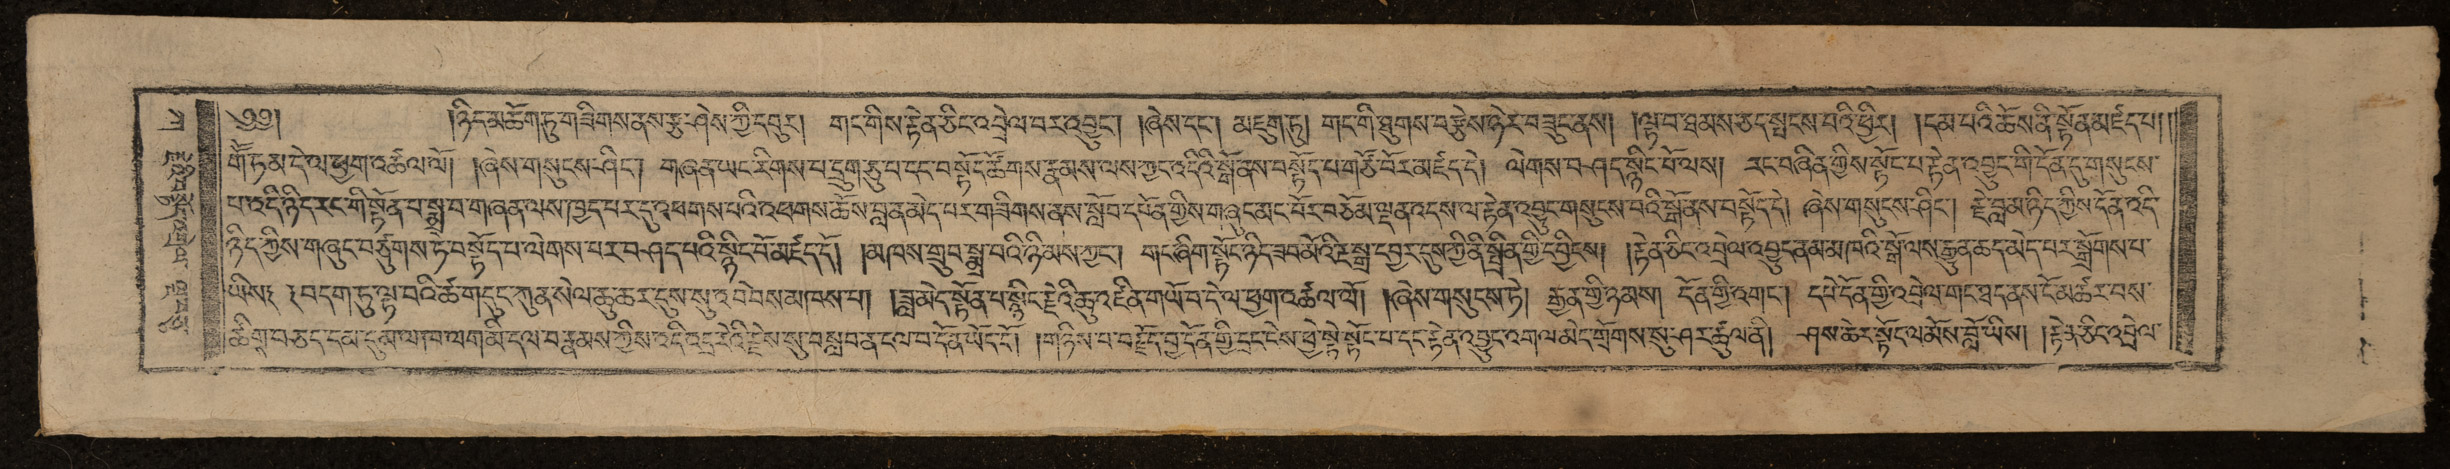༄༅། །ཉིད་མཆོག་ཏུ་གཟིགས་ནས་རྩ་ཤེས་ཀྱི་དབུར། གང་གིས་རྟེན་ཅིང་འབྲེལ་བར་འབྱུང་། །ཞེས་དང་། མཇུག་ཏུ། གང་གི་ཐུགས་བརྩེས་ཉེར་བཟུང་ནས། །ལྟ་བ་ཐམས་ཅད་སྤངས་པའི་ཕྱིར། །དམ་པའི་ཆོས་ནི་སྟོན་མཛད་པ།།
གོ་ཏམ་དེ་ལ་ཕྱག་འཚལ་ལོ། །ཞེས་གསུངས་ཤིང་། གཞན་ཡང་རིགས་བ་དྲུག་ཅུ་ལ་དང་བསྟོད་ཚོགས་རྣམས་ལས་ཀྱང་འདིའི་སྒོ་ནས་བསྟོད་པ་གཙོ་བོར་མཛད་དེ། ལེགས་བཤད་སྙིང་པོ་ལས། རང་བཞིན་གྱིས་སྟོང་པ་རྟེན་འབྱུང་གི་དོན་དུ་གསུངས་
བ་འདི་ཉིད་རང་གི་སྟོན་པ་སྨྲ་བ་གཞན་ལས་ཁྱད་པར་དུ་འཕགས་པའི་འཕགས་ཆོས་བླ་ན་མེད་པར་གཟིགས་ནས་སློབ་དཔོན་གྱིས་གཞུང་མང་པོར་བཅོམ་ལྡན་འདས་ལ་རྟེན་འབྱུང་གསུངས་པའི་སྒོ་ནས་བསྟོད་དེ། ཞེས་གསུངས་ཤིང་། རྗེ་བླ་མ་ཉིད་ཀྱིས་དོན་འདི་
ཉིད་ཀྱིས་གཞུང་བཙུགས་ཏེ་བསྟོད་པ་ལེགས་པར་བཤད་པའི་སྙིང་བོ་མཛད་དོ། །མཁས་གྲུབ་སྨྲ་བའི་ཉི་མས་ཀྱང་། གང་ཞིག་སྟོང་ཉིད་ཟབ་མོའི་རྡ་སྒྲ་དབྱར་དུས་ཀྱི་ནི་སྤྲིན་གྱི་དབྱིངས། །རྟེན་ཅིང་འབྲེལ་བ་བྱུང་ནམ་མཁའི་སྒོ་ལས་རྒྱུན་ཆད་མེད་པར་སྒྲོགས་པ་
ཡིས༑ ༑བདག་ཏུ་ལྟ་བའི་ཚ་གདུང་ཀུན་སེལ་ཆུ་ཆར་དུས་སུ་འབེབས་མཁས་པ། །ཟླ་མེད་སྟོན་བ་སྙིང་རྗེའི་ཆུ་འཛིན་གཡོའི་དེ་ལ་ཕྱག་འཚལ་ལོ། །ཞེས་གསུངས་ཏེ། རྒྱན་གྱི་ཉམས། དོན་གྱི་འགང་། དཔེ་དོན་གྱི་འབྲེལ་གང་ཐད་ནས་ངོ་མཚར་བས་
ཚིགས་བཅད་དམ་དུ་མ་ལ་ཁ་ལག་མི་དལ་བ་རྣམས་ཀྱིས་འདི་འདྲ་རེའི་རྗེས་སུ་བསླབ་ན་ངལ་བ་དོན་ཡོད་དོ། །གཉིས་བ་བརྗོད་བྱ་དོན་གྱི་དྲང་ངེས་ཕྱེ་སྟེ་སྟོང་པ་དང་རྟེན་འབྱུང་འགལ་མེད་གྲོགས་སུ་ཤར་ཚུལ་ནི། ཤས་ཆེར་སྟོང་ལ་མོས་བློ་ཡིས། །རྟེན་ཅིང་འབྲེལ་